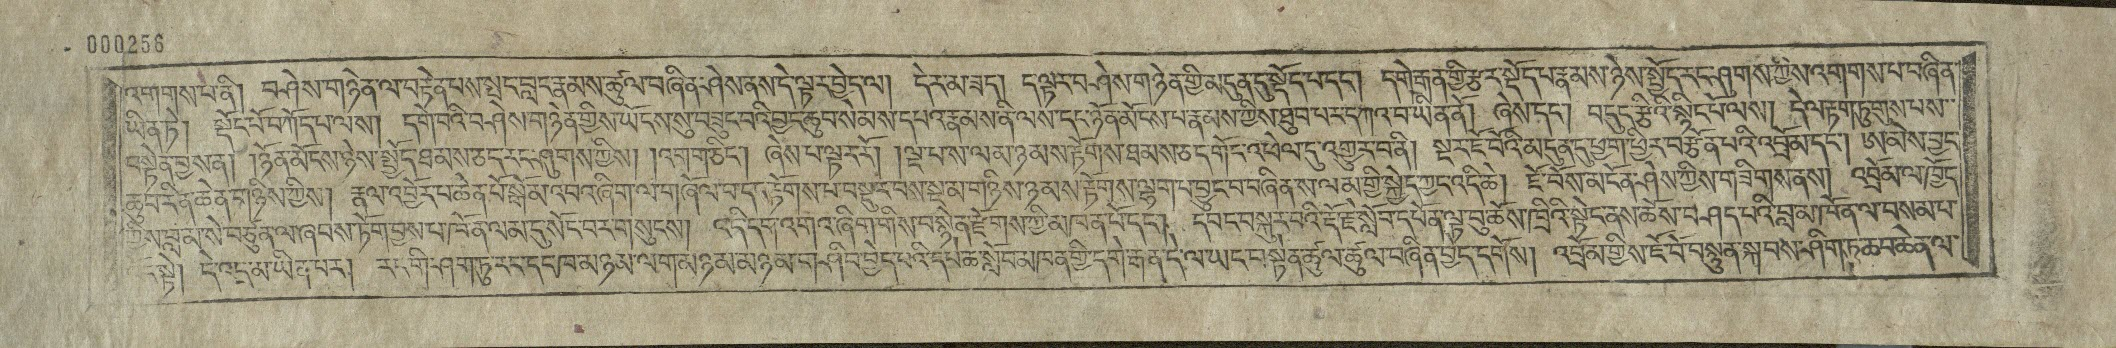འགགས་པ་ནི། བཤེས་གཉེན་ལ་བརྟེན་པས་སྤང་བླང་རྣམས་ཚུལ་བཞིན་ཤེས་ནས་དེ་ལྟར་བྱེད་ལ། དེར་མ་ཟད། ད་ལྟར་བཤེས་གཉེན་གྱི་མདུན་དུ་སྡོད་པ་དང་། དགེ་རྒན་གྱི་རྩར་སྡོད་པ་རྣམས་ཉེས་སྤྱོད་རང་ཤུགས་ཀྱིས་འགགས་པ་བཞིན་
ཡིན་ཏེ། སྡོང་པོ་བཀོད་པ་ལས། དགེ་བའི་བཤེས་གཉེན་གྱིས་ཡོངས་སུ་བཟུང་བའི་བྱང་ཆུབ་སེམས་དཔའ་རྣམས་ནི་ལས་དང་ཉོན་མོངས་པ་རྣམས་ཀྱིས་ཐུབ་པར་དཀའ་བ་ཡིན་ནོ། ཞེས་དང་། བདུད་རྩིའི་སྙིང་པོ་ལས། དེ་ལ་རྟག་ཏུ་གུས་པས་
བསྟེན་བྱས་ན། །ཉོན་མོངས་ཉེས་སྤྱོད་ཐམས་ཅད་རང་ཤུགས་ཀྱིས། །འགག་ཅིང་། ཞེས་པ་ལྟར་རོ། །ལྔ་པ་ས་ལམ་ཉམས་རྟོགས་ཐམས་ཅད་གོང་འཕེལ་དུ་འགྱུར་བ་ནི། སྔར་ཇོ་བོའི་མདུན་དུ་ཕྱག་ཕྱིར་བརྩོན་པའི་འབྲོམ་དང་། ཨ་མེས་བྱང་
ཆུབ་རིན་ཆེན་གཉིས་ཀྱིས། རྣལ་འབྱོར་པ་ཆེན་པོ་སྒོམ་འབའ་ཞིག་ལ་གཞོལ་བ་དང་རྟོགས་པ་བསྡུར་བས་སྔ་མ་གཉིས་ཉམས་རྟོགས་ལྷག་པ་བྱུང་བ་བཞིན་ས་ལམ་གྱི་སྐྱེད་ཀྱང་འདི་ཆེ། ཇོ་བོས་མངོན་ཤེས་ཀྱིས་གཟིགས་ནས། འབྲོམ་ལ་ཁྱོད་
ཀྱིས་བླ་མ་སེ་བཙུན་ལ་ཞབས་ཏོག་བྱས་པ་ཁོ་ན་ལམ་དུ་སོང་བར་གསུངས། འདི་དག་འགའ་ཞིག་གིས་བསྙེན་རྫོགས་ཀྱི་མཁན་པོ་དང་། དབང་བསྐུར་བའི་རྡོ་རྗེ་སློབ་དཔོན་ལྟ་བུ་ཆོས་ཁྲིའི་སྟེང་ནས་ཆོས་བཤད་པའི་བླ་མ་ཁོ་ན་ལ་བསམ་པ་
འོང་སྟེ། དེ་འདྲ་མ་ཡིན་པར། རང་གི་ཤག་ཏུ་རང་དང་ཁ་མཉམ་ལག་མཉམ་མཉམ་གཤིབ་བྱེད་པའི་དཔེ་ཆ་སློབ་མཁན་གྱི་དགེ་རྒན་དེ་ལ་ཡང་བསྟེན་ཚུལ་ཚུལ་བཞིན་བྱེད་དགོས། འབྲོམ་གྱིས་ཇོ་བོ་བསྙུན་སྐབས་ཤིག་ཏུ་ཆབ་ཆེན་ལ་